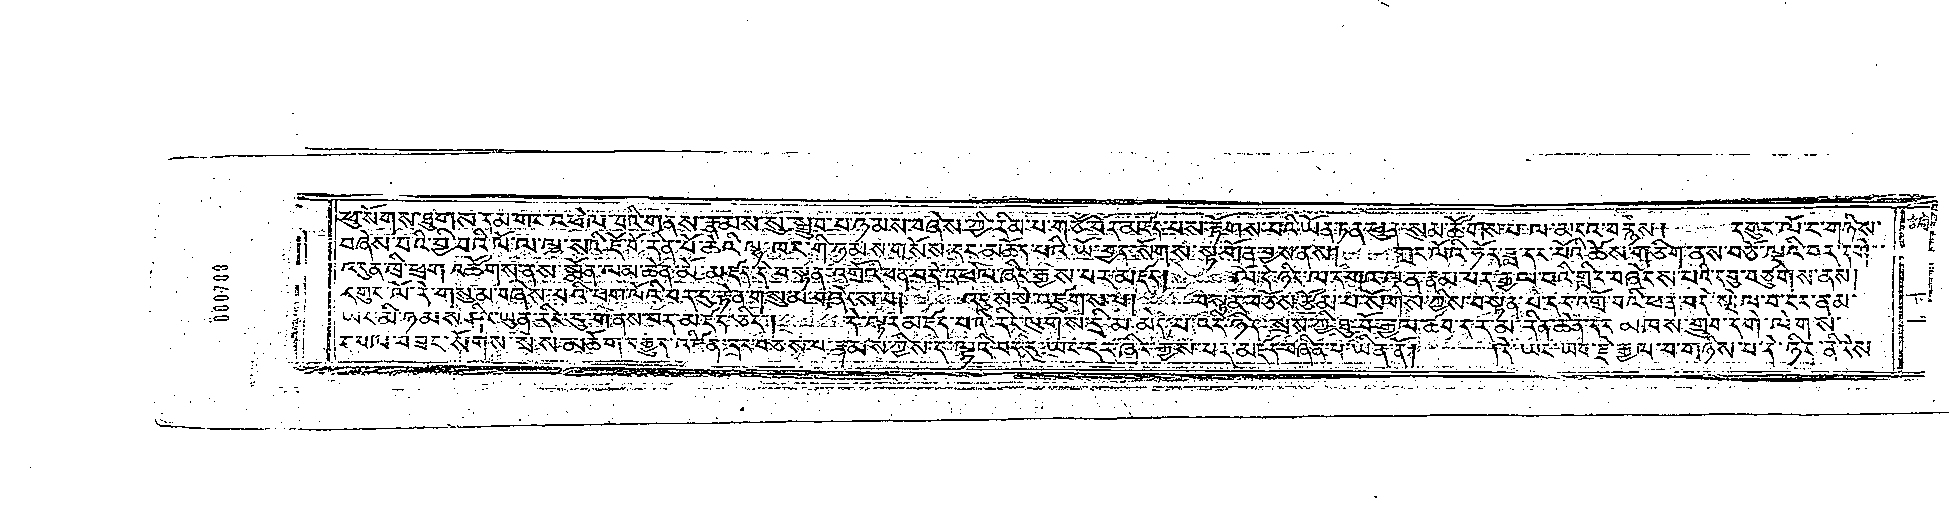ཕུ་སོགས་ཐུགས་དམ་གང་ཕེལ་བའི་གནས་རྣམས་སུ་སྒྲུབ་པ་ཉམས་བཞེས་ཀྱི་རིམ་པ་གཙོ་བོར་མཛད་པས་རྟོགས་པའི་ཡོན་ཏན་ཕུན་སུམ་ཚོགས་པ་ལ་མངའ་བརྙེས། དགུང་ལོ་ང་གཉིས་
བཞེས་པའི་བྱི་བའི་ལོ་ལ་ལྷ་སའི་ཇོ་བོ་རིན་པོ་ཆེའི་ལྷ་ཁང་གི་ཉམས་གསོས་དང་མཆོད་པའི་ཡོ་བྱད་སོགས་སྟ་གོན་བྱས་ནས། གླང་ལོའི་ཧོར་ཟླ་དང་པོའི་ཚེས་གཅིག་ནས་བཅོ་ལྡའི་བར་དགེ་
འདུན་ཁྲི་ཕྲག་འཚོགས་ནས་སྨོན་ལམ་ཆེན་མོ་མཛད་དེ་བསྟན་འགྲོའི་ཕན་བདེ་འཕེལ་ཞིང་རྒྱས་པར་མཛད། ལོ་དེ་ཉིད་ལ་དགའ་ལྡན་རྣམ་པར་རྒྱལ་བའི་གླིང་བཞེངས་པའི་དབུ་བཙུགས་ནས།
དགུང་ལོ་རེ་གསུམ་བཞེས་པའི་ཕག་ལོའི་བར་དུ་རྟེན་གསུམ་བཞེངས་པ། འདུས་སྡེ་འཛུགས་པ། བསྟན་བཅོས་རྩོམ་པ་སོགས་ཀྱིས་བསྟན་པ་དང་འགྲོ་བའི་ཕན་བདེ་སྤེལ་བ་དང་ནམ་
ཡང་མི་ཉམས་ཤིང་ཡུན་རིང་དུ་གནས་པར་མཛད་ཅིང་། དེ་ལྟར་མཛད་པའི་རིང་ལུགས་དྲི་མ་མེད་པ་འདི་ཉིད་སྲས་ཀྱི་ཐུ་བོ་རྒྱལ་ཚབ་དར་མ་རིན་ཆེན་དང་མཁས་གྲུབ་དགེ་ལེགས་
དཔལ་བཟང་སོགས་སྲས་མཆོག་བརྒྱུད་འཛིན་དང་བཅས་པ་རྣམས་ཀྱིས་ད་ལྟའི་བར་དུ་ཡང་དར་ཞིང་རྒྱས་པ་མཛད་བཞིན་པ་ཡིན་ནོ། །དེ་ཡང་ཡབ་རྗེ་རྒྱལ་བ་གཉིས་པ་དེ་ཉིད་ནི་ངེས་